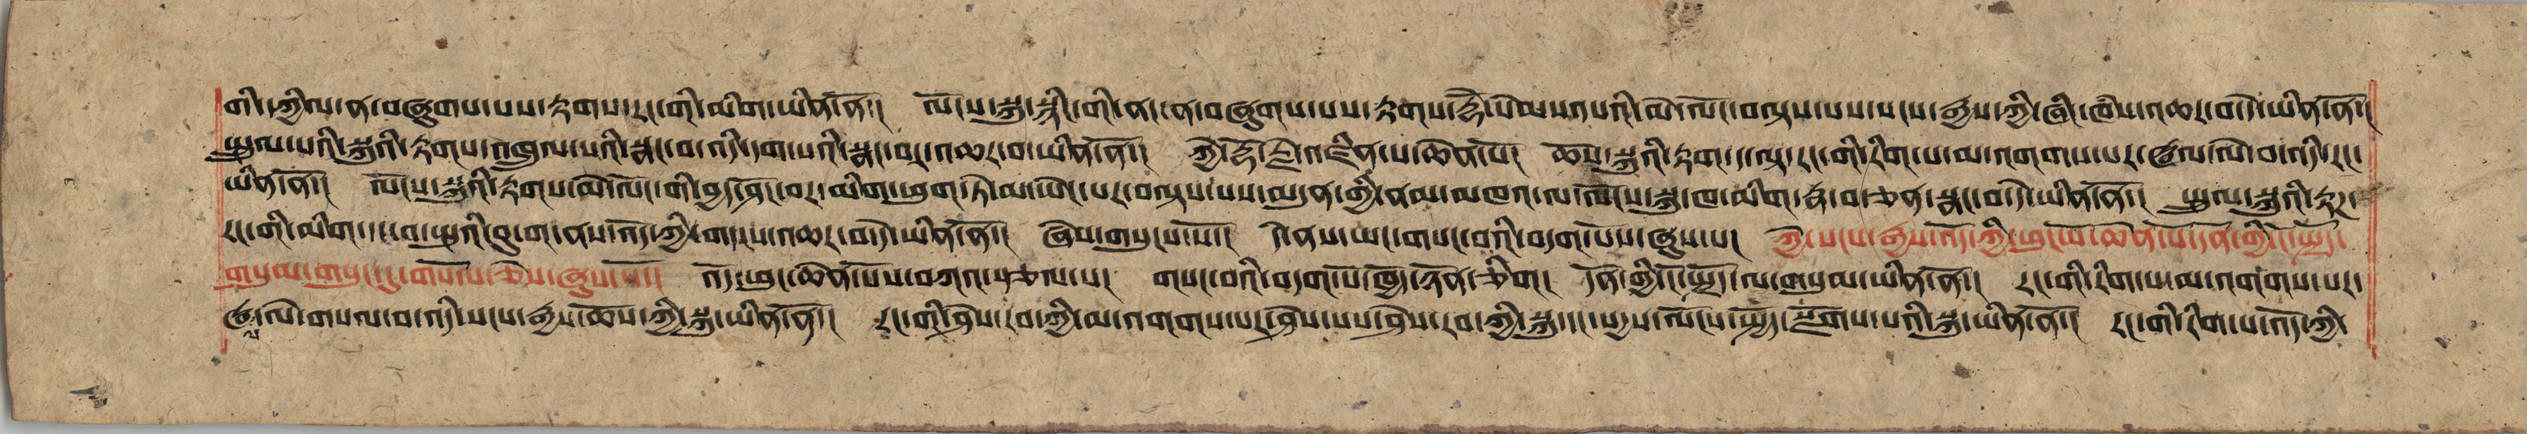གི་དཀྱིལ་ན་བཞུགས་པས་རྟགས་རང་གི་མིག་ཡིན་ནོ་། ལོངས་སྐུ་སྙིང་གི་ནང་ན་བཞུགས་པས་རྟགས་རྡོེ་སེམས་དཔའི་མེ་ལོང་བལྟས་པས་སངས་རྒྱས་ཀྱི་ཞིང་ཁཾས་འཆར་བ་དེ་ཡིན་ནོ་།
སྤྲུལ་པའི་སྐུའི་རྟགས་འཁྲུལ་པའི་སྣང་བ་འདི་དག་པའི་སྣང་བར་འཆར་བ་ཡིན་ནོ་། ཀྱེ་རྡོ་རྗེ་འཛིན་པ་ཆེན་པོ། ཆོས་སྐུའི་རྟག་ད་ལྟ་རང་གི་རིག་པ་མ་འགགས་པར་ཝལ་ལེ་བ་འདི་རང་
ཡིན་ནོ་། ལོངས་སྐུའི་རྟོགས་མེ་ལོང་གི་བྱད་ཤོང་བར་མིག་ཕུག་ཏེ་མ་ཡེང་པར་བལྟས་པས་མདུན་གྱི་ནམ་མཁའ་ལ་ལོངས་སྐུ་ཁ་མིག་རྣ་བ་ཅན་སྣང་བ་དེ་ཡིན་ནོ་། སྤྲུལ་སྐུའི་རྟཌ
རང་གི་མིག་དང་བ་སྤུའི་བུ་ག་ནས་འོད་ཀྱི་གདངས་འཆར་བ་དེ་ཡིན་ནོ་། ཞེས་གསུངས་སོ་། དེ་ནས་ཡང་གསང་བའི་བདག་པོས་ཞུས་པ། ཀྱེ་སངས་རྒྱས་འོད་ཀྱི་ཕུང་པོ་ཆེན་པོ་དོན་གྱི་ངོ་སྤྲོད་
གསུམ་གསུང་དུ་གསོལ་ཅེས་ཞུས་སོ་། འོད་ཕུང་ཆེན་པོས་བཀའ་སྩལ་པ། གསང་བའི་བདག་པོ་ཁྱོད་ཉོན་ཅིག། དོན་གྱི་ངོ་སྤྲོད་ལ་གསུམ་ཡིན་ནོ་། རང་གི་རིག་པ་མ་འགགས་པར་
ཝལ་ལེ་གསལ་བ་འདི་སངས་རྒྱས་ཆོས་ཀྱི་སྐུ་ཡིན་ནོ་། རང་གི་ཤེས་རབ་ཀྱི་མ་འགགས་པར་ཤེས་པས་ཤེས་རབ་ཀྱི་སྐུ་དང་སདྱས་ལོངས་སྤྱོད་སྫོགས་པའི་སྐུ་ཡིན་ནོ་། རང་གི་རིག་པ་འོད་ཀྱི་